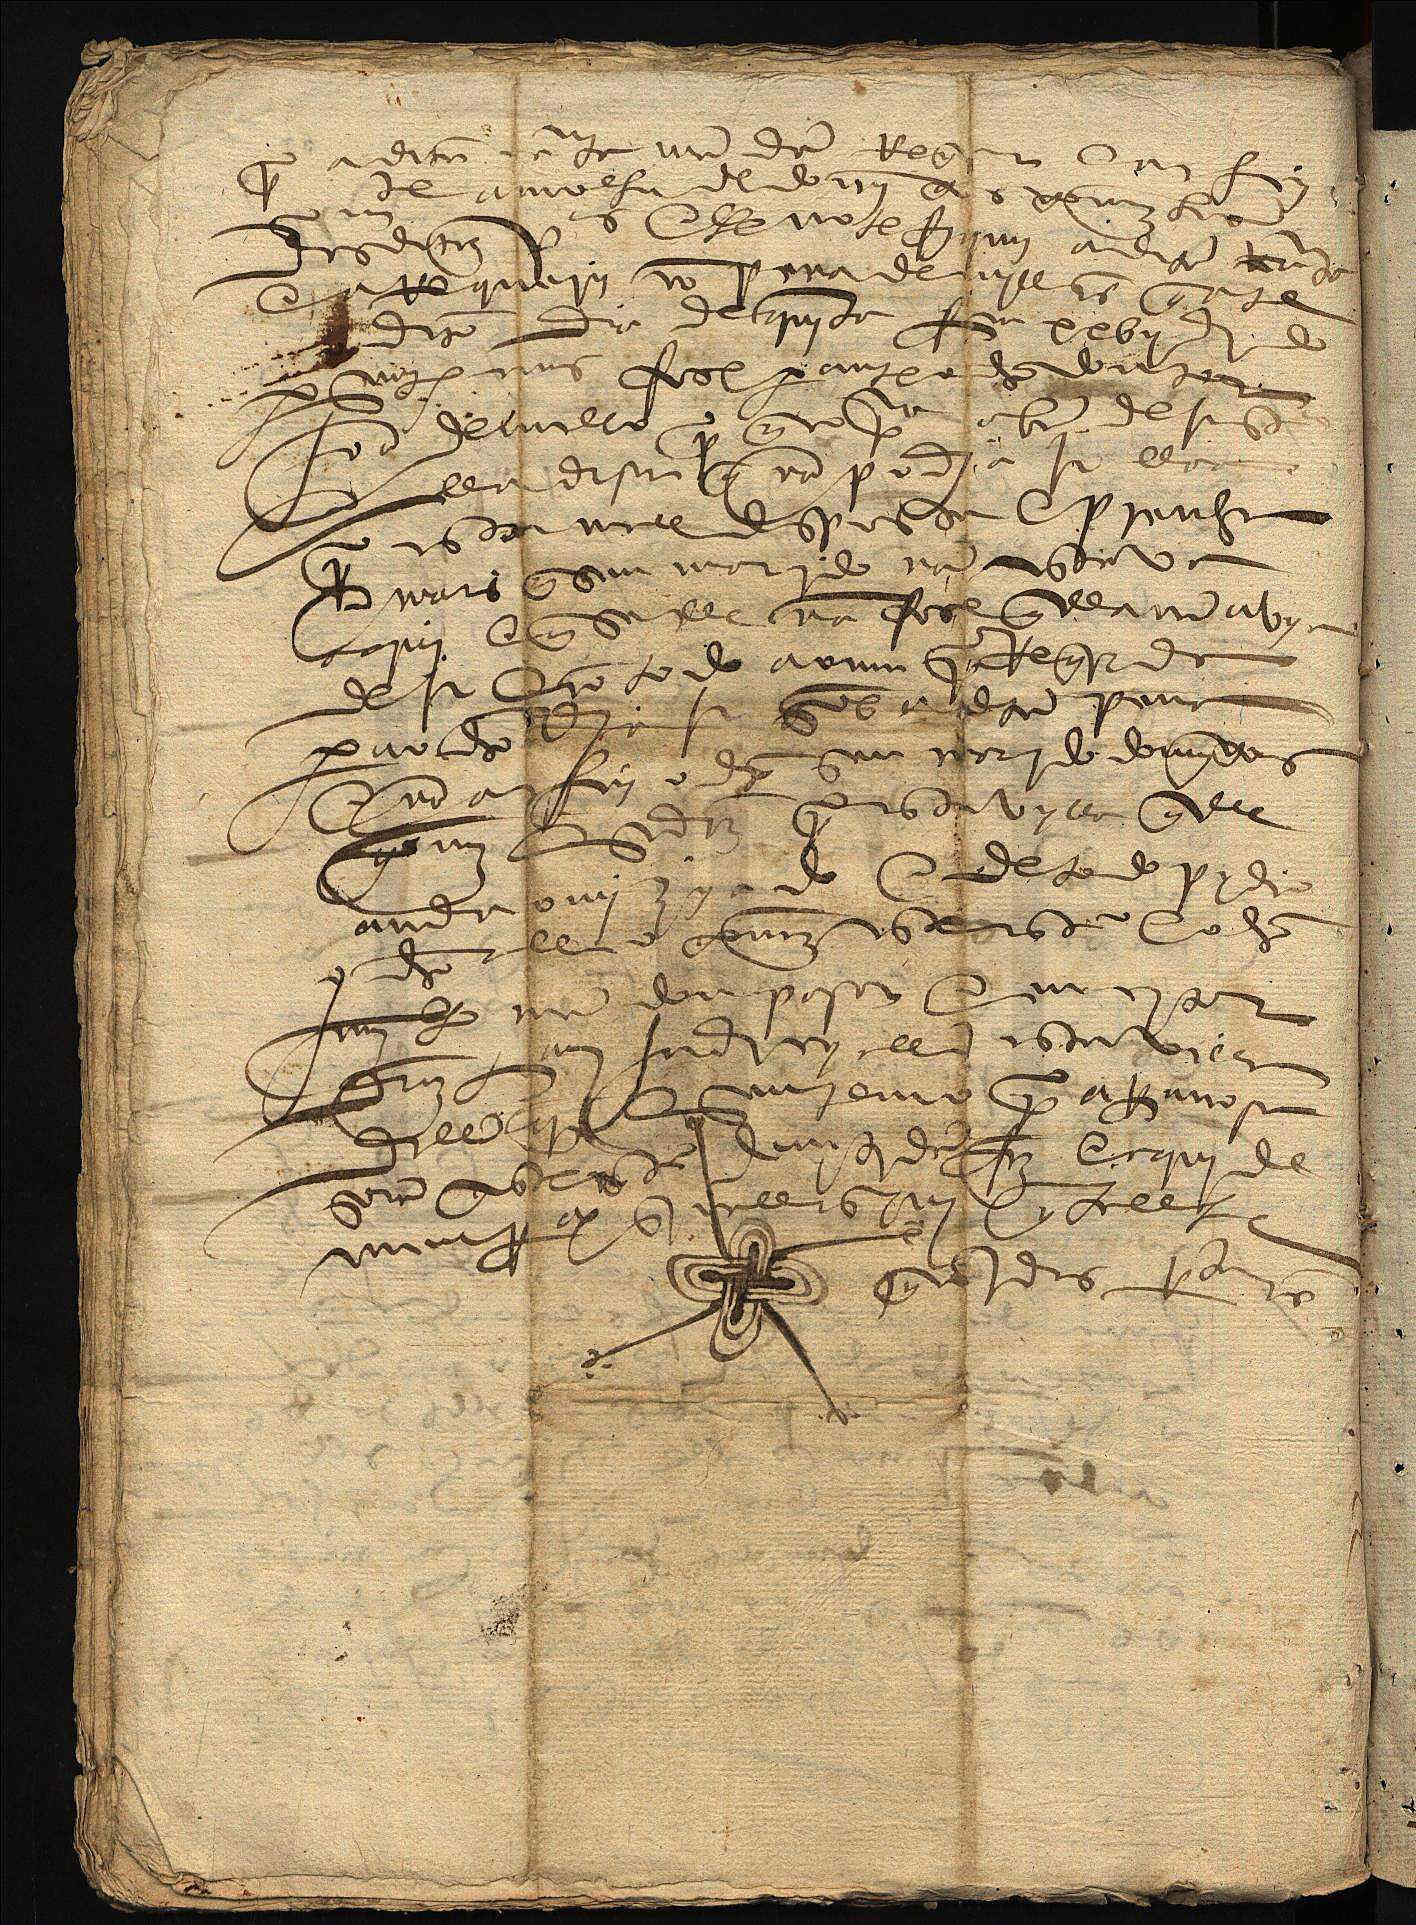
p̄o a dita carta mādā Req̄rer e achey
somte a molher de domj̄gos gomez huā
das ditas pas e lhe notefyquej a dita carta
e a Requery c̄o pena de mjll r̄s q̄ ate
dito dia de quj̄ta fra xxbij dj do
ꝑsente mes fose ꝑante o dto doutor
Joā de mello p̄oq̄ c̄op̄a a bē de Justa
e ella dise q̄ nā podja Jr llaa
p̄o estar mall desposta e prenha
e mais q̄ seu marjdo nā estava
aquj e q̄ se elle nā fose q̄ ella nā avya
de Jr e c̄otodo a ouue p̄o Req̄rida
ꝑa o dto dja Jr sob a dita pena
e nā achey o dt̄o seu marjdo domj̄gos
gomez e se diz p̄o esta vylla q̄ elle
anda omjzyado e de todo pydio
o dto alluo gomez este esto e o dto
Juiz lho mādou pasar e eu ejtor
diaz tam Judicyall ē esta villa
dallāq̄r e seu termo p̄o a Ra nosa
sorā q̄ este esto de certjdā fiz e aquj de
meu ꝓco sjnall asjnej q̄ tall he
p̄g cō Jdas Rta rs̄
